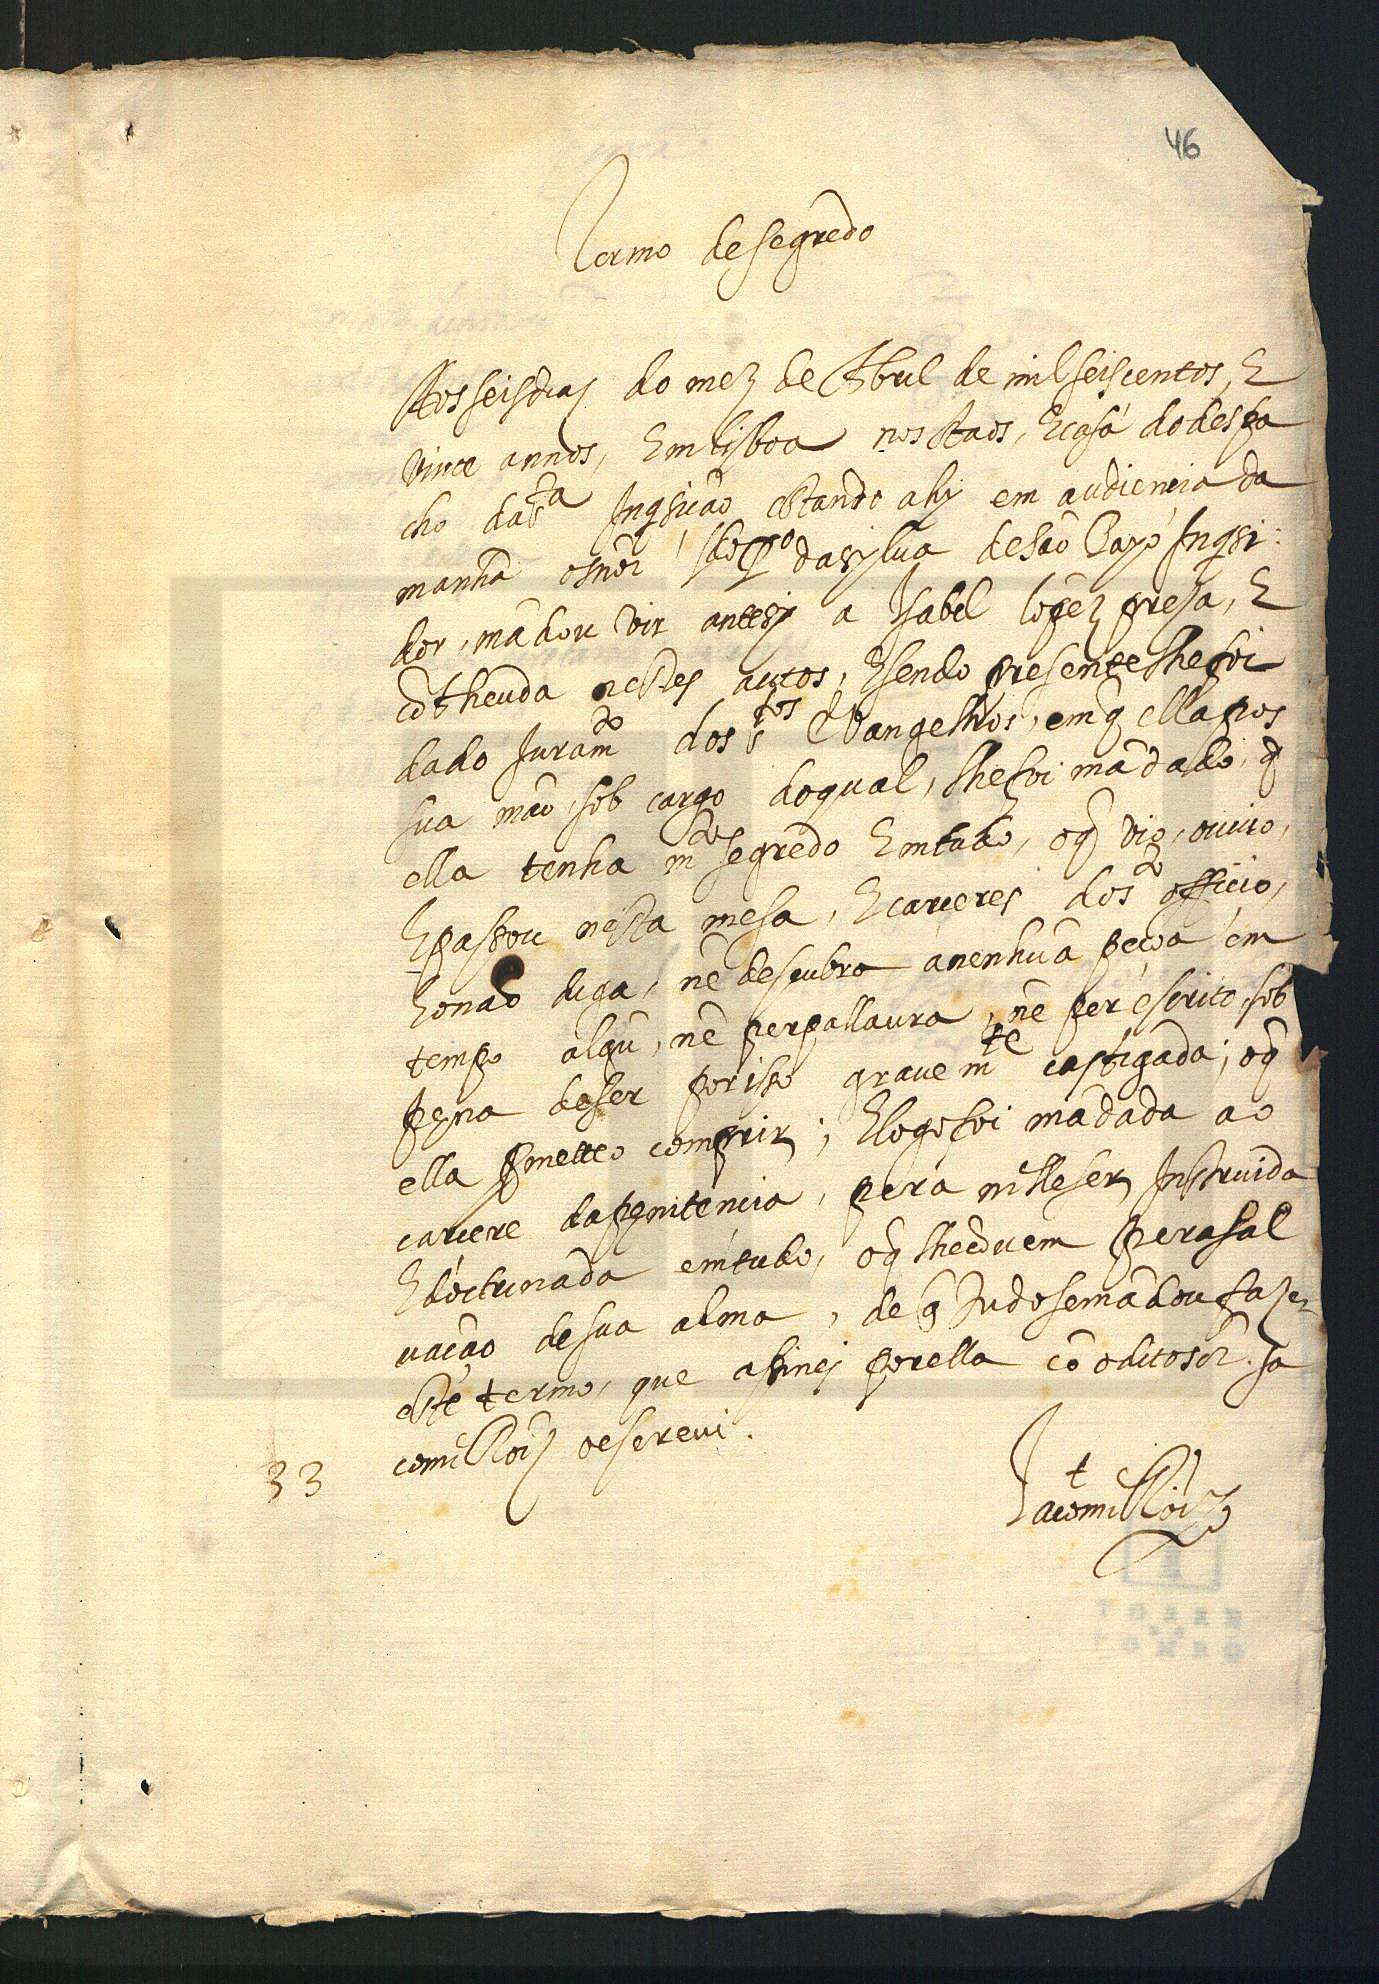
Termo de segredo
Aos seis dias do mez de Abril de mil seiscentos, E
vinte annos, Em lisboa nos estaos, E casa do despa
cho da sta Jnꝗsição estando ahy em audiencia da
manhã o snōr Ldo Po da sylua de Saõ Payo Jnꝗsi
dor, mādou vir ante sy a Isabel lopēz preza, E
cōtheuda nestes autos, E sendo presente lhe foi
dado Juramto dos stos euangelhos, em q̄ ella pos
sua mão, sob cargo do qual, lhe foi mādado q̄
ella tenha mto segredo Em tudo, o q̄ vio, ouuio,
E passou nesta mesa, E carceres do sto officio,
E o naõ diga, nē descubra a nenhuā peçoa em
tempo algū, nē per pallaura, nē per escrito, sob
pena de ser por isso grauemte castigada; o q̄
ella ꝓmetteo comprir; E logo foi mādada ao
carcere da penitencia, pera nelle ser Jnstruida
E doctrinada em tudo, o q̄ lhe cōuem per sal
uação de sua alma, de q̄ tudo se mādou fazer
este termo, que assinei por ella cō o dito sor̄ Ja
come Roīz o escreui.
